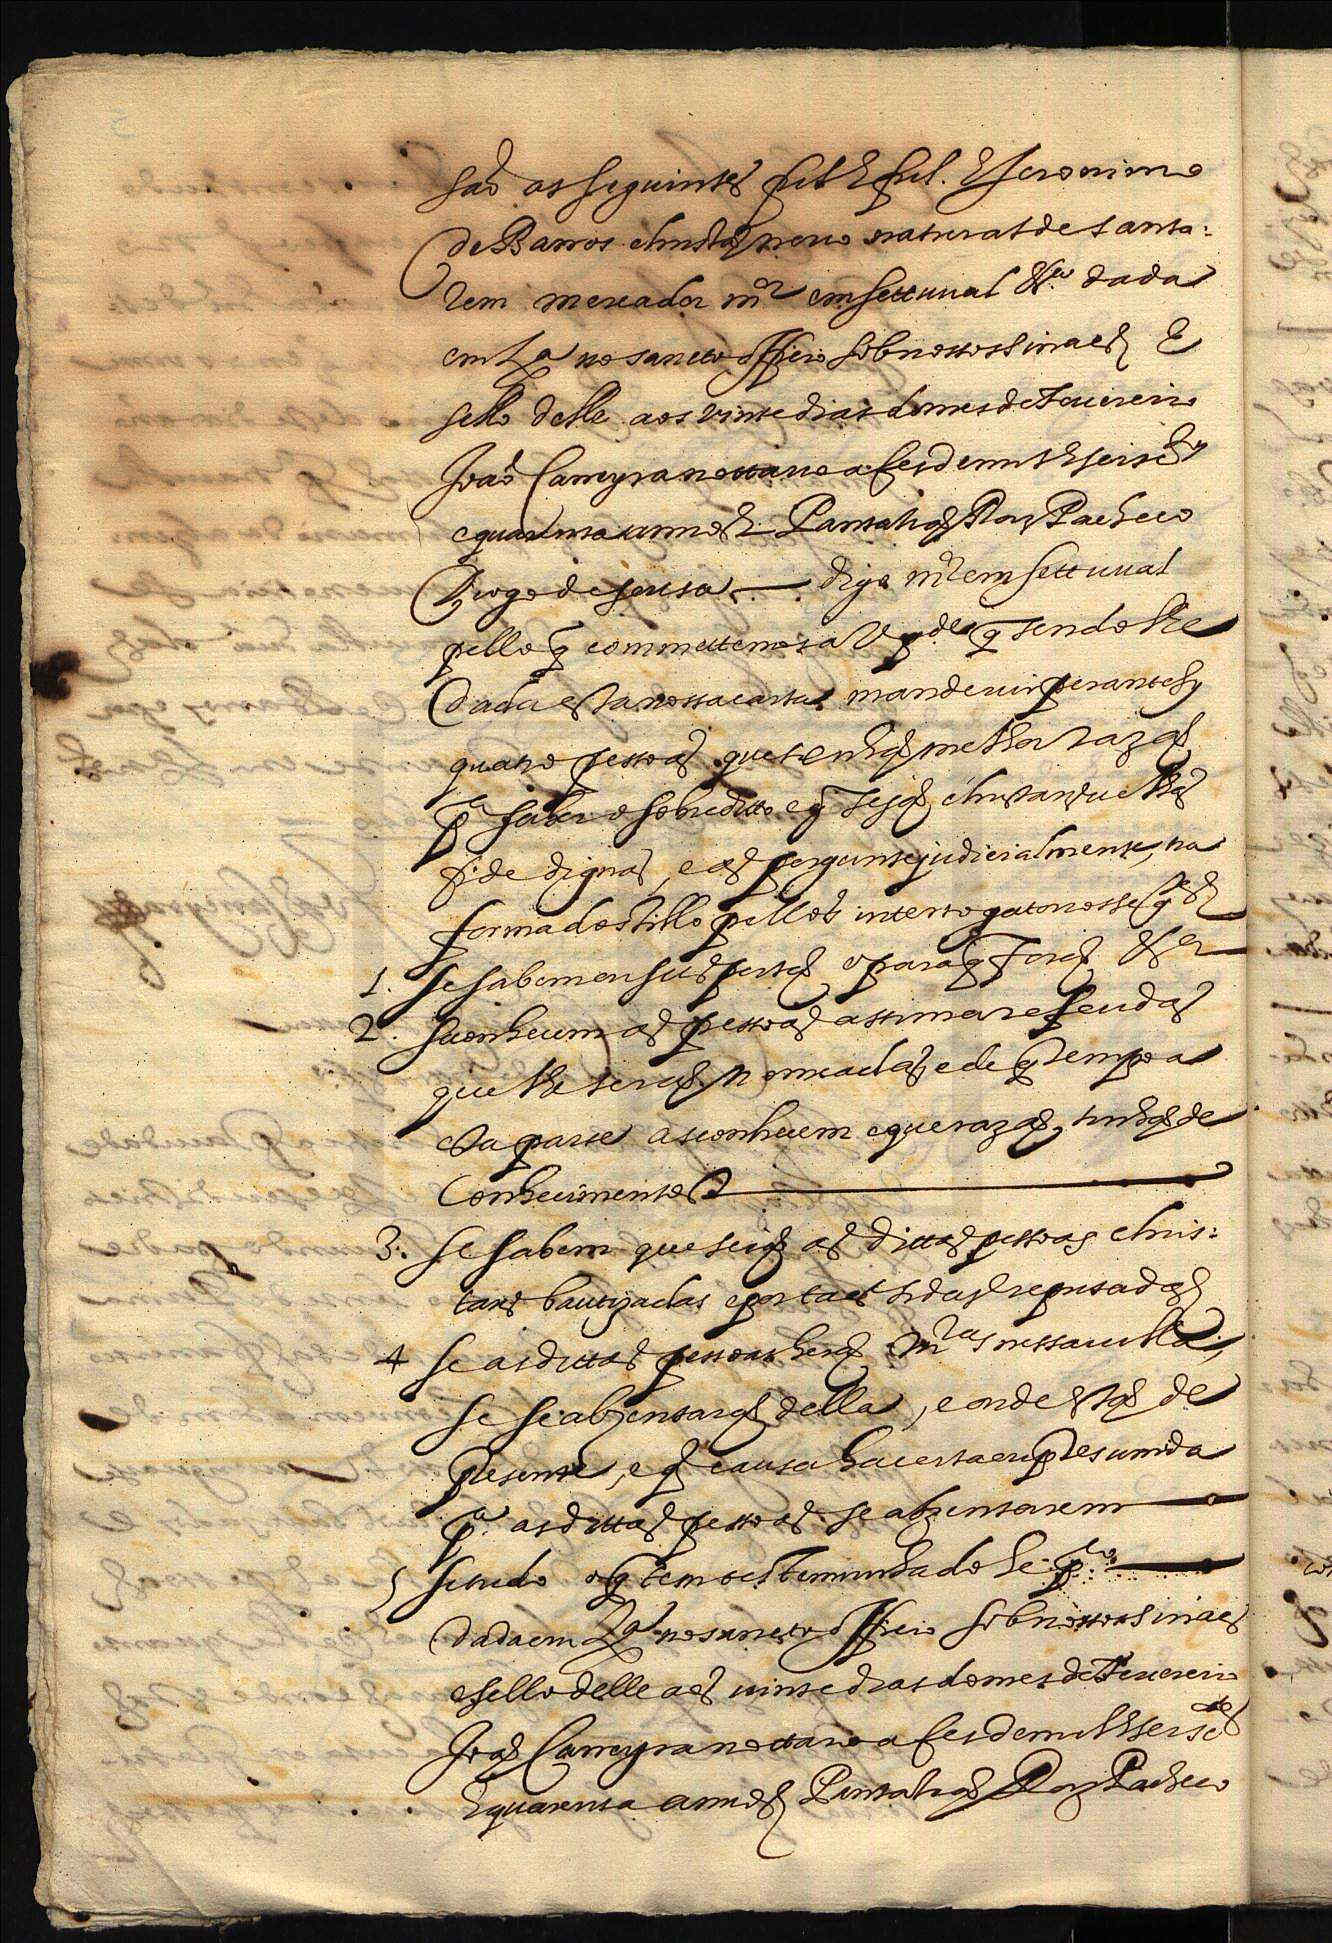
Saõ as seguintes ful E ful. E Jeronimo
de Barros christaõ nouo natural de Santa
rem mercador mor em Settuual &a dada
em Lxa no sancto officio sob nossos sinaes E
Sello delle aos vinte dias do mes de Feuereiro
Joaõ Carreyra nottario a fes de mil E seisctos
e quarenta annos E Pantaliaõ Roiz Pacheco
Diogo de Sousa - digo mor em Settuual
pello q̄ commettemos a V g.de q̄ sendo lhe
dada esta nossa carta mande uir perante Sy
quatro pessoas que tenhaõ melhor razaõ
pa saber o sobreditto e q̄ sejaõ christans uelhos
fidedignas, e se pergunte judicialmente, na
forma do stillo pellos interrogatorios seguintes
1. Se Sabem enSuspeitas e para q̄ forão &
2. Se conhecem as pessoas assima referidas
que lhe seraõ nomeadas e de q̄ tempo a
esta parte as conhecem e que razaõ tinhaõ de
conhecimentos
3. Se Sabem que seiaõ as dittas pessoas chris
tans bautizadas e por taes tidas E reputadas
4. Se as dittas pessoas heraõ mras nessa uilla
Se Se abzentaraõ della, e onde estaõ de
presente, e q̄ causa ha certa ou presumida
p.a as dittas pessoas se absentarem
5. Se tudo o q̄ tem testemunhado he p.co
dada em Lxa no sancto officio sob nossos sinaes
e Sello delle aos uinte dias do mes de Feuereiro
Joaõ Carreyra nottario a fes de mil E seis ctos
E quarenta annos PantaIiaõ Roez Pacheco
